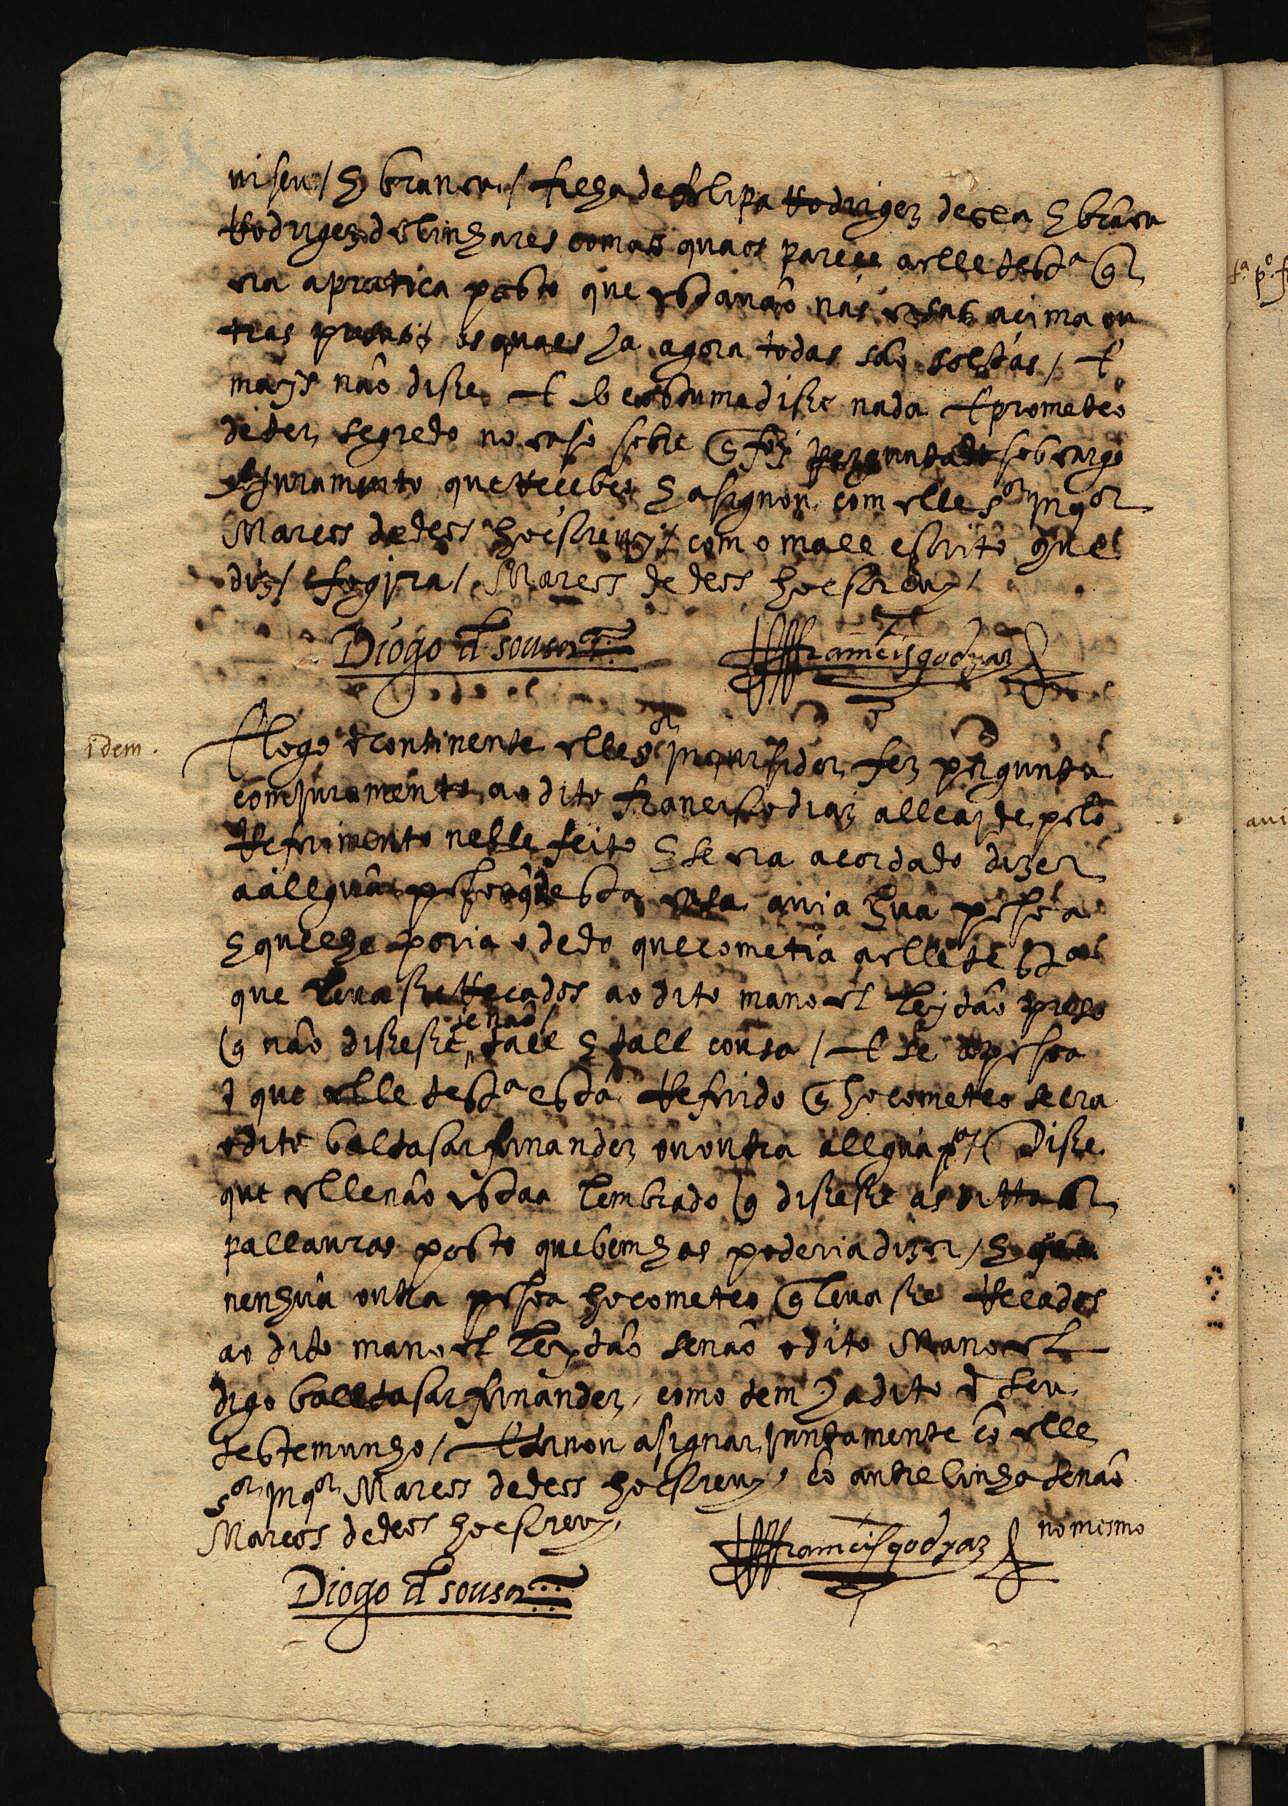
idem.
uiseu / E branca / filha de felipa Rodrigez de sea E brāca
Rodriges de linhares com as quais parece a elle testa q̄
era a pratica posto que estauaõ nas casas acima ou
tras presas / as quaes Ja agora todas saõ soltas / E
mays naõ disse E do costume disse nada E prometeo
de ter segredo no caso sobre q̄ foy perguntado sob cargo
do Juramento que Recebeo E asignou com elle sor jnqor
Marcos de deos ho escreuy / com o mall escrito que
diz / fogjra / Marcos de deos ho escreuj
E logo ē continente elle sor jnquisidor fez pergunta
com Juramento ao dito francisco diaz allcajde pelo
Referimento nelle feito E se era acordado dizer
a allguā pesoa q̄ desta casa auia hua pesoa
E que lhe poria o dedo que cometia a elle testa
que leuasse Recados ao dito manoel leytaõ preso
q̄ não dissesse
senaõ
tall E tall cousa / E se a pesoa
ē que elle testa esta Referido q̄ ho cometeo se era
o dito baltasar fernandez ou outra allgua pa / Disse
que elle não estaa lembrado q̄ dissesse as dittas
pallauras posto que bem has poderia dizer / E que
nenhuā outra pesoa ho cometeo q̄ leuasse Recados
ao dito manoel Leytão senaõ o dito ManoeL
digo balltasar fernandez como tem Ja dito ē seu
testemunho / E tornou asignar juntamente cō elle
sor jnqor Marcos de deos ho escreuj cō antrelinha senaõ
Marcos de deos ho escrevj
no mesmo
